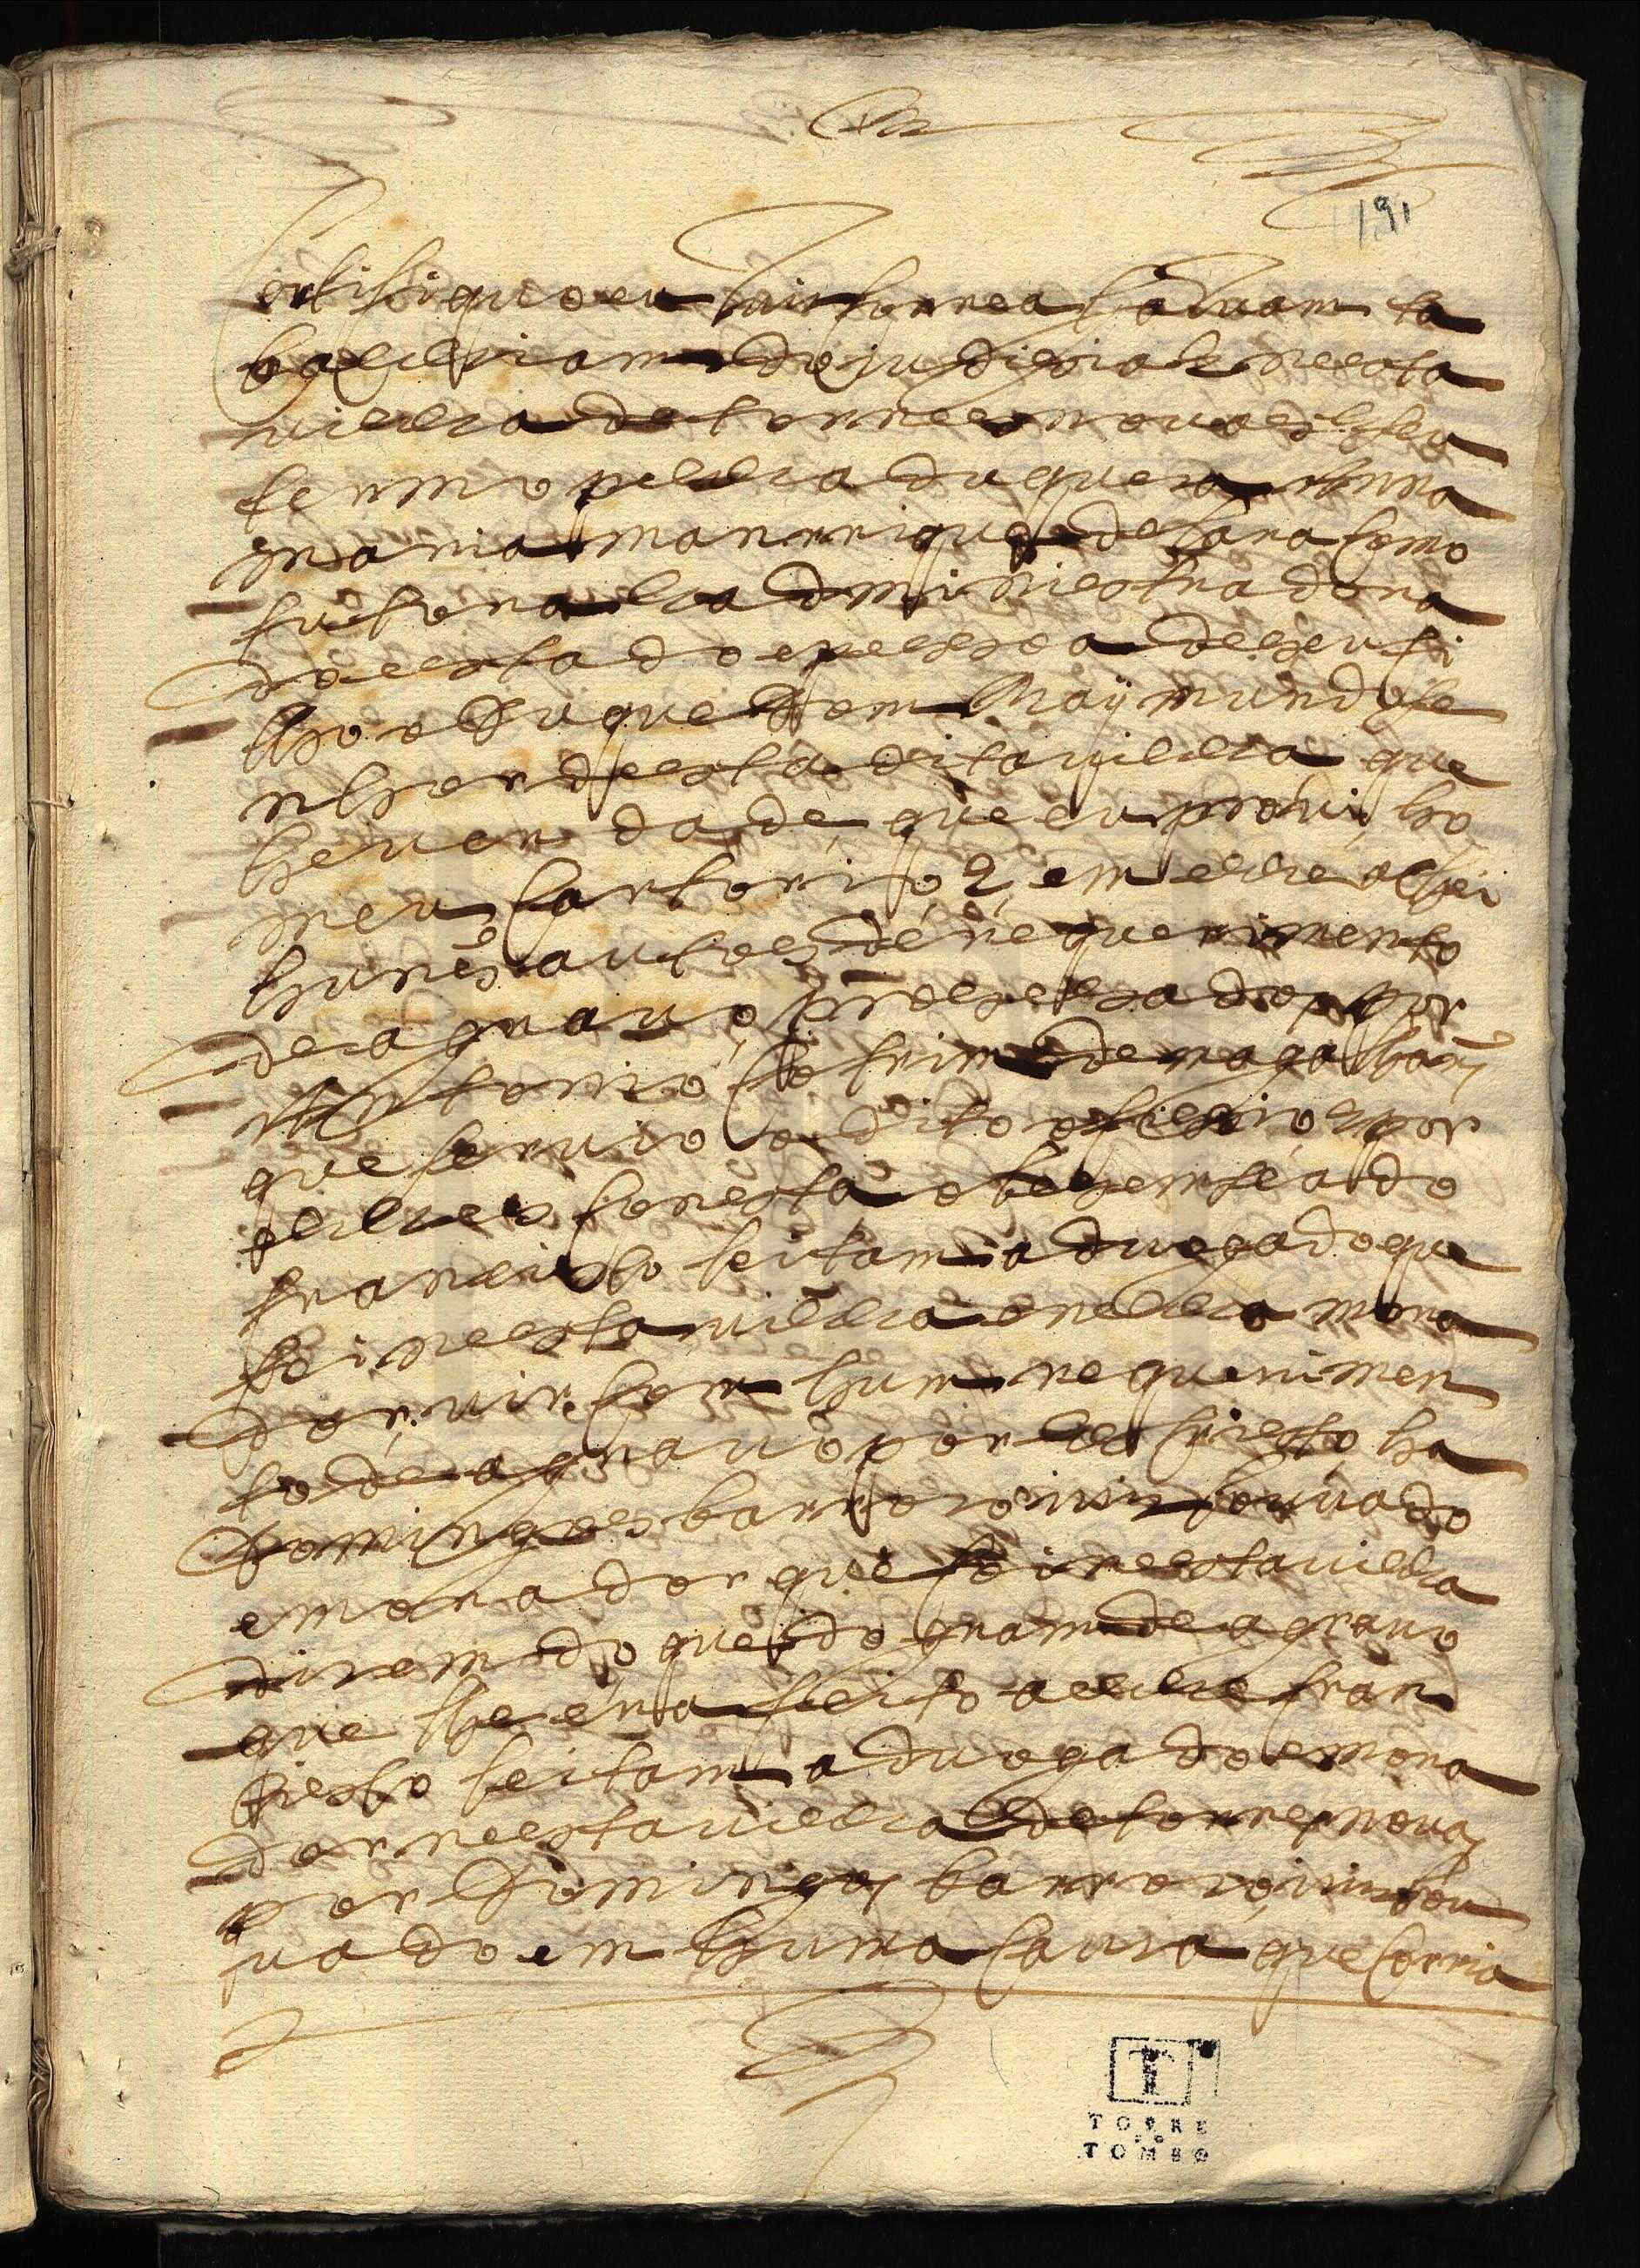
Certifiquo eu luiz Correa Galuam ta
balliam do iudisial nesta
uilla de torres nouas E seu
termo pella duqueza Anna
maria manrrique de lara Como
tutora E administradora
do estado e pessoa de seu fi
lho o Duque Dom Raymundo se
nhor desta dita uilla que
he uerdade que eu proui ho
meu Cartorio E em elle achei
huns̄ autos de requerimento
de agrauo prosesados por
Antonio Cotrim de magalhans̄
que seruio o dito ofisio E por
elles Consta o lesemseado
francisco leitam aduogado que
foi nesta uilla e nella mora
dor, uir Com hum requerimen
to de agrauo por EsCristo ha
Domingos barrozo iuiz louuado
e morador que foi nesta uilla
dizemdo que do gramde agrauo
que lhe era feito a elle fran
cisco leitam aduogado e mora
dor nesta uilla de torres nouas
por Domingos barrozo, iuiz lou
uado em huma Cauza que Corria
